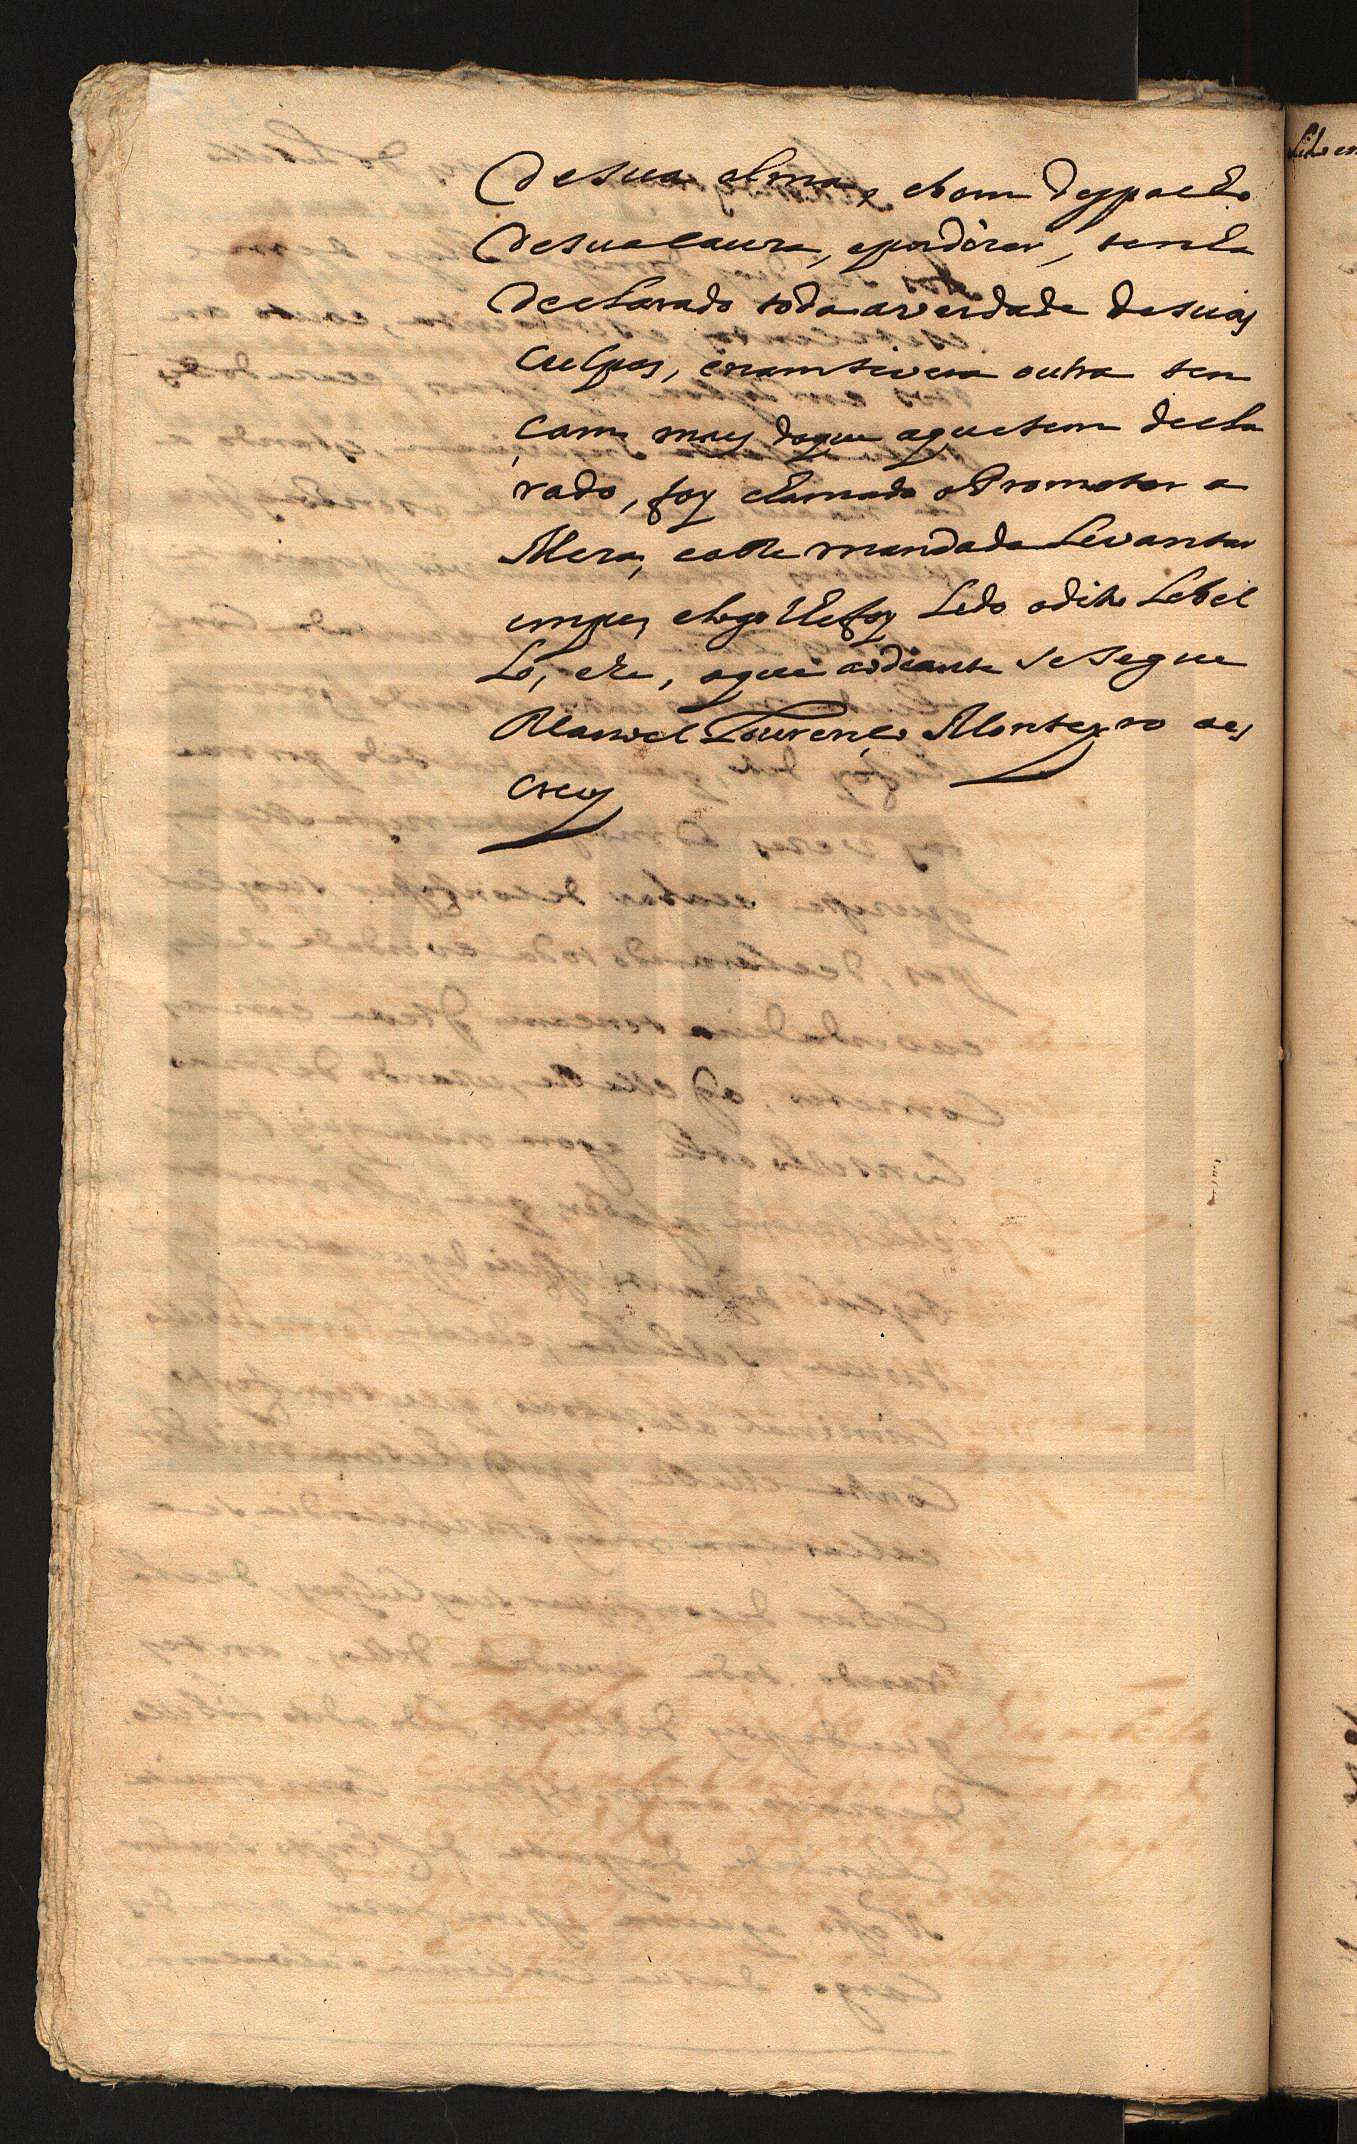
de sua alma, e bom despacho
de sua cauza, e por dizer, tenha
declarado toda a verdade de suas
culpas, e nam tivera outra ten
çam mais do que a que tem decla
rado, foy chamado o Promotor a
Meza, e a Re mandada Levantar
em pe, e logo lhe foy Lido o dito Lebel
Lo, e he, o que aodiante se segue.
Manoel Lourenço Monteyro o es
creuj
